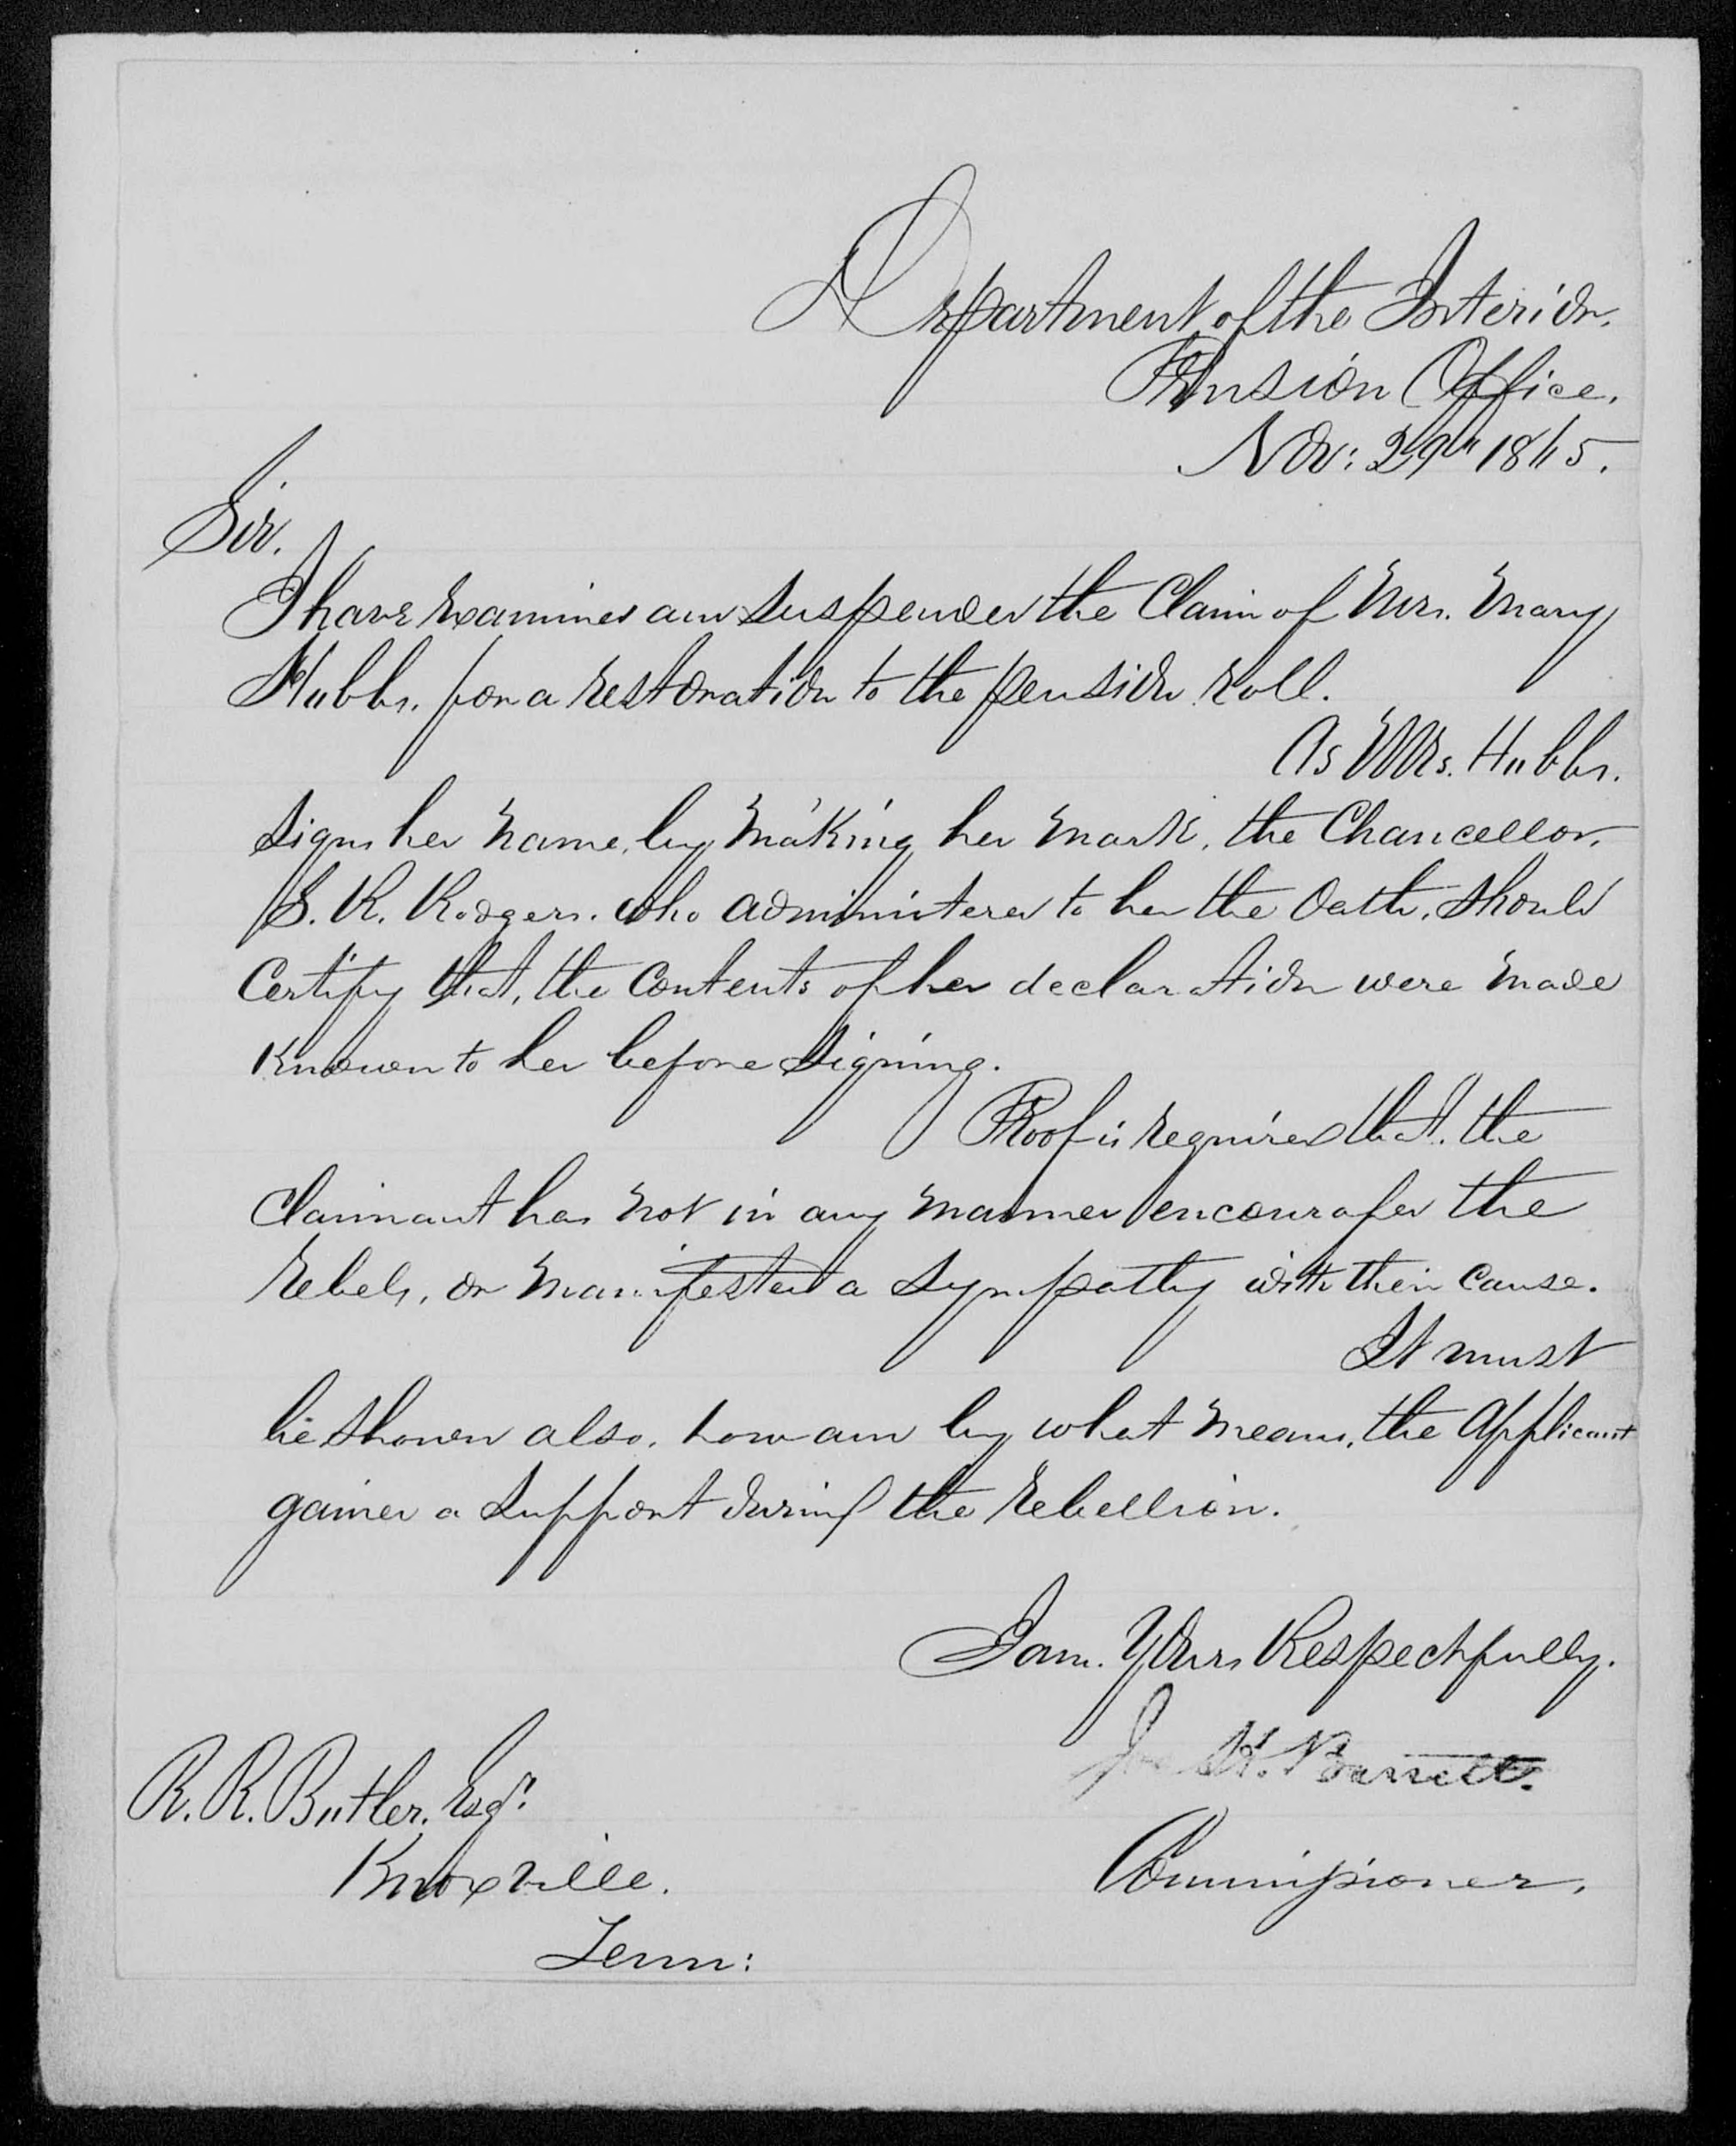Department of the Interior.
Pension Office.
Nov: 29th 1845
Sir,
I have examined and Suspended the Claim of Mrs. Mary Hubbs, for a restoration to the Pension Roll.
As Mrs. Hubbs signs her name by making her mark the Chancellor, S.R. Rodgers, who administered to her the Oath should Certify that the Contents of her declaration were made known to her before signing.
Proof is required that the claimant has not in any manner encouraged the rebels, or manifested a sympathy with their cause.
It must be shown also, how and by what means, the Applicant gained a Support during the Rebellion.
I am Yours Respectfully,
J.H. Bassett.
Commissioner

R.R. Butler, Esq.
Knoxville, Tenn:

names: Js Sa Bassett, Mary Hubbs, R R Butler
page: 63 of 86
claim: widow's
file: W. 1035, John Hubbs, S.C.